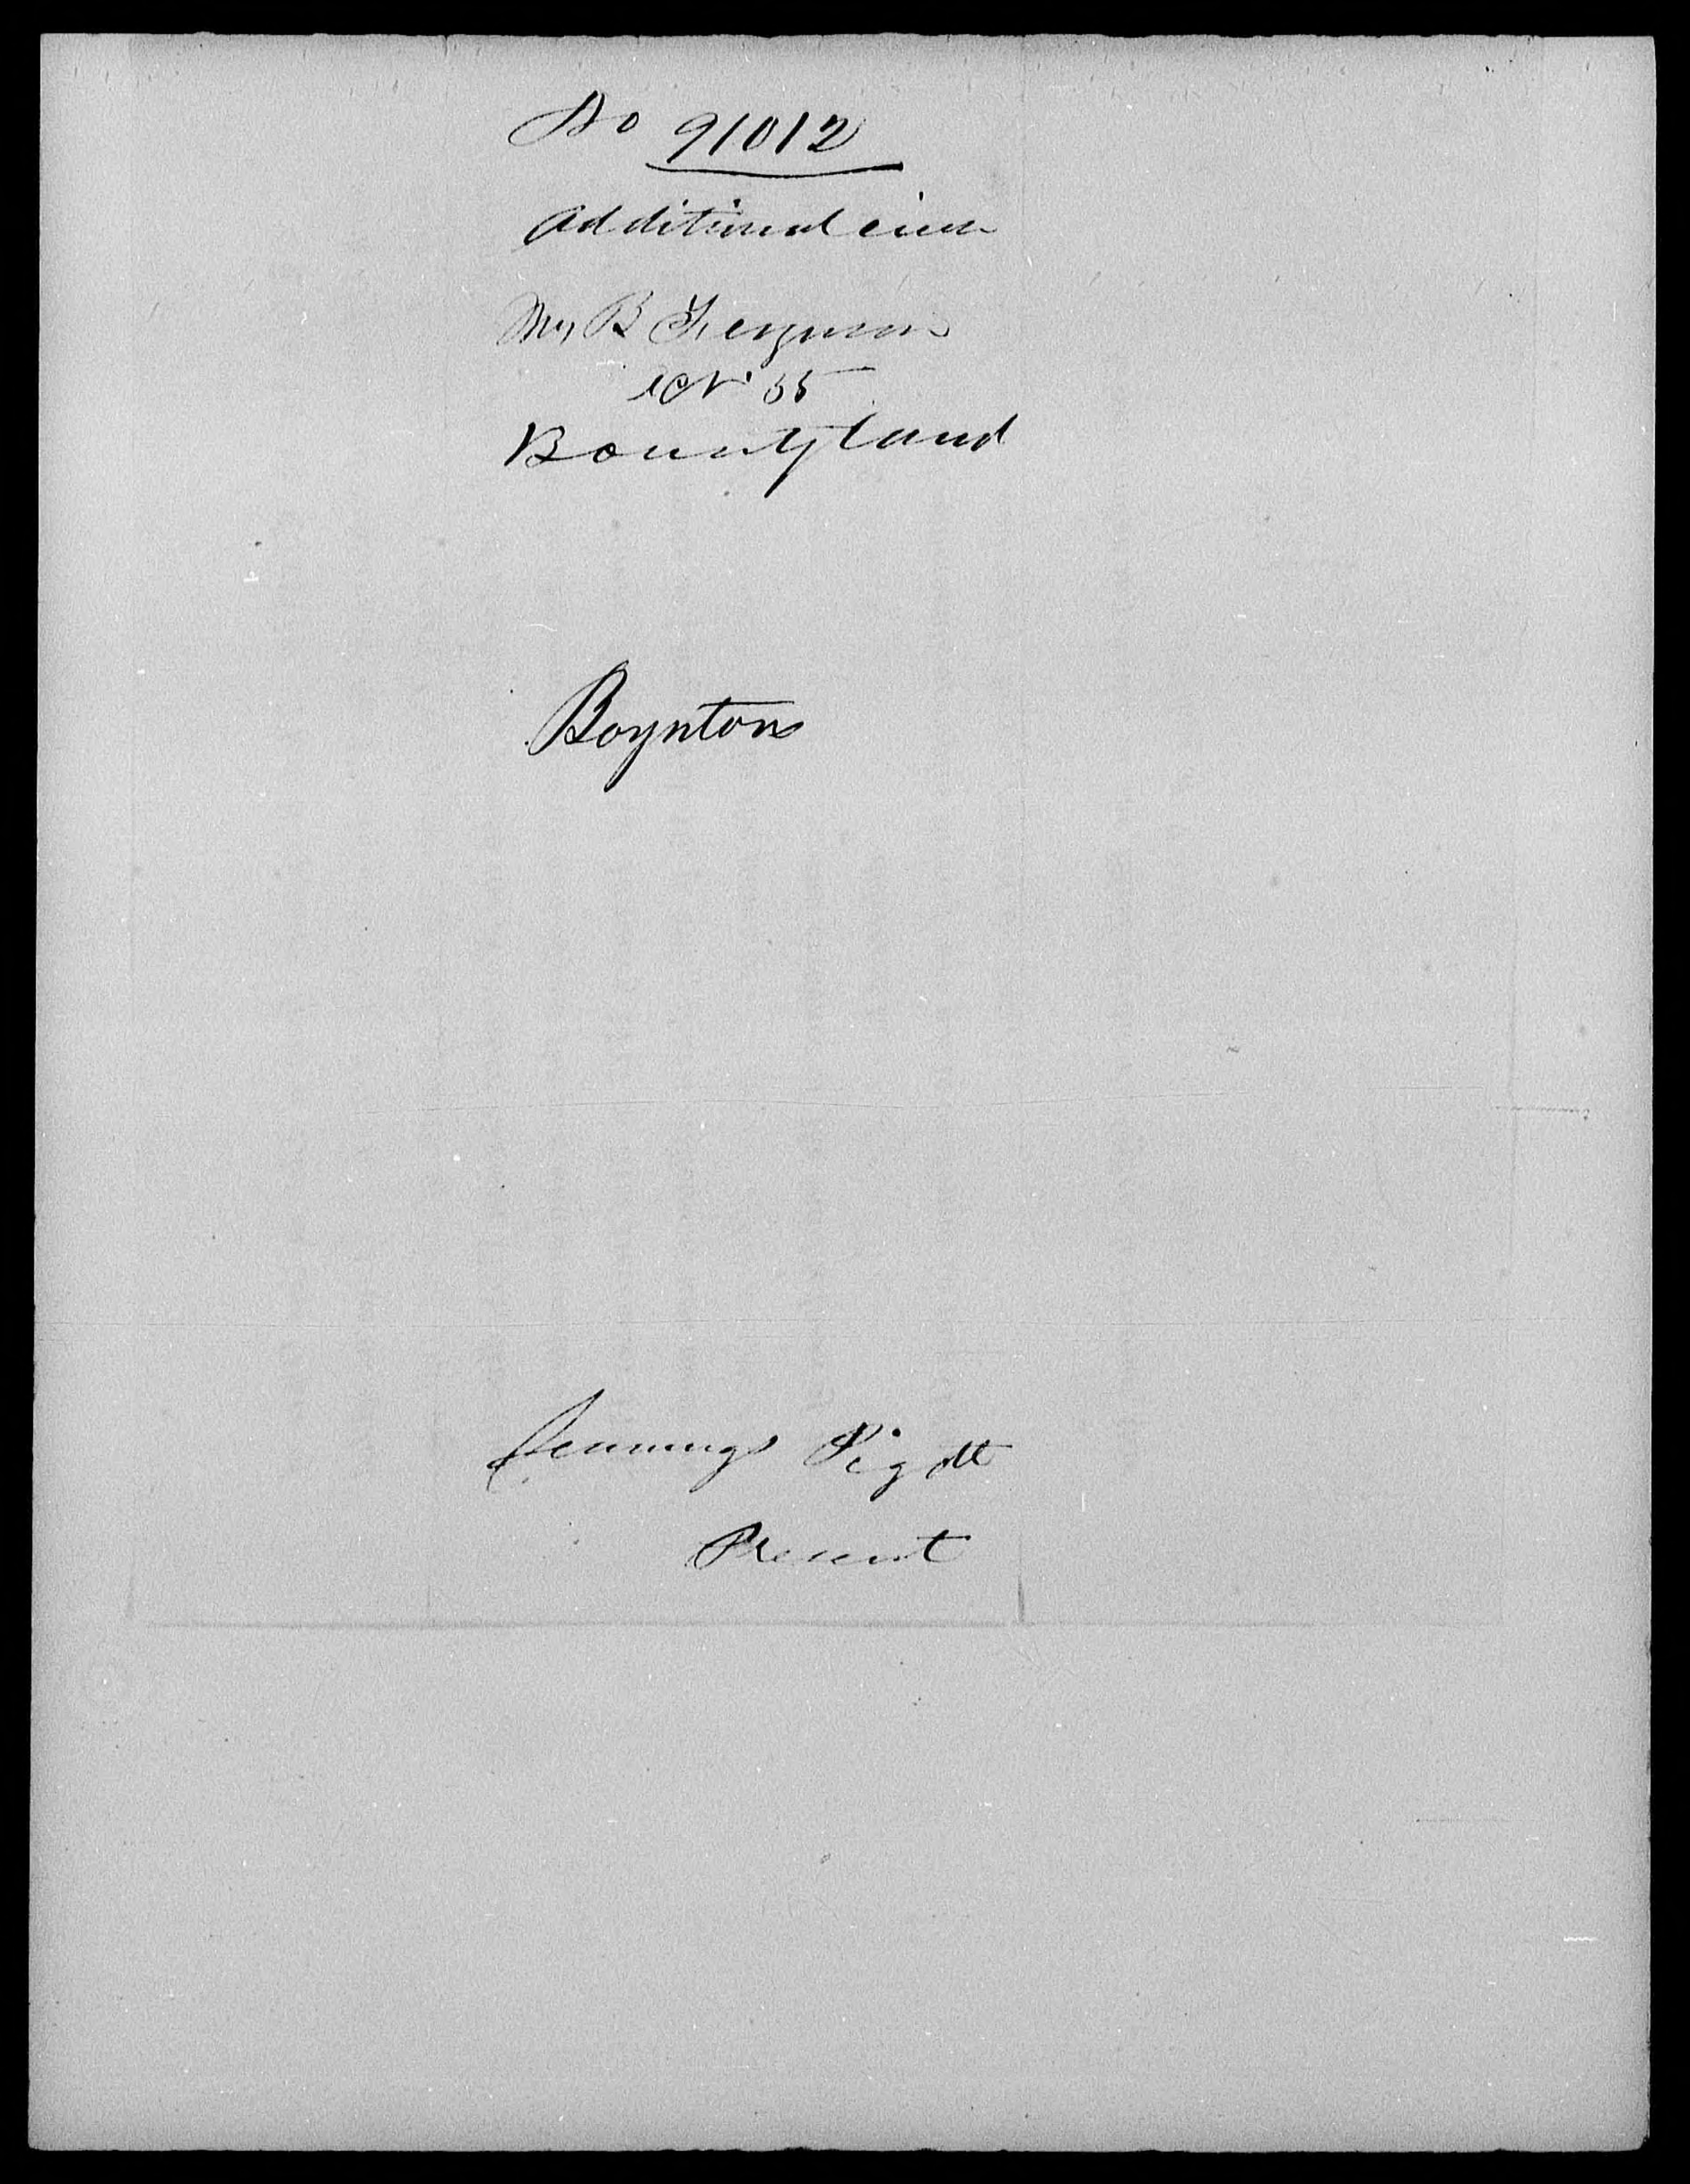To
91012
_____
additional evi[dence]
Mrs B Ferguson
Oct 55
Bounty land
Boynton
Jennings Pigott
Present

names: Jennings Pigott, B Ferguson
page: 30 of 81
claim: widow's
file: W. 7262, Robert Ferguson, Va.